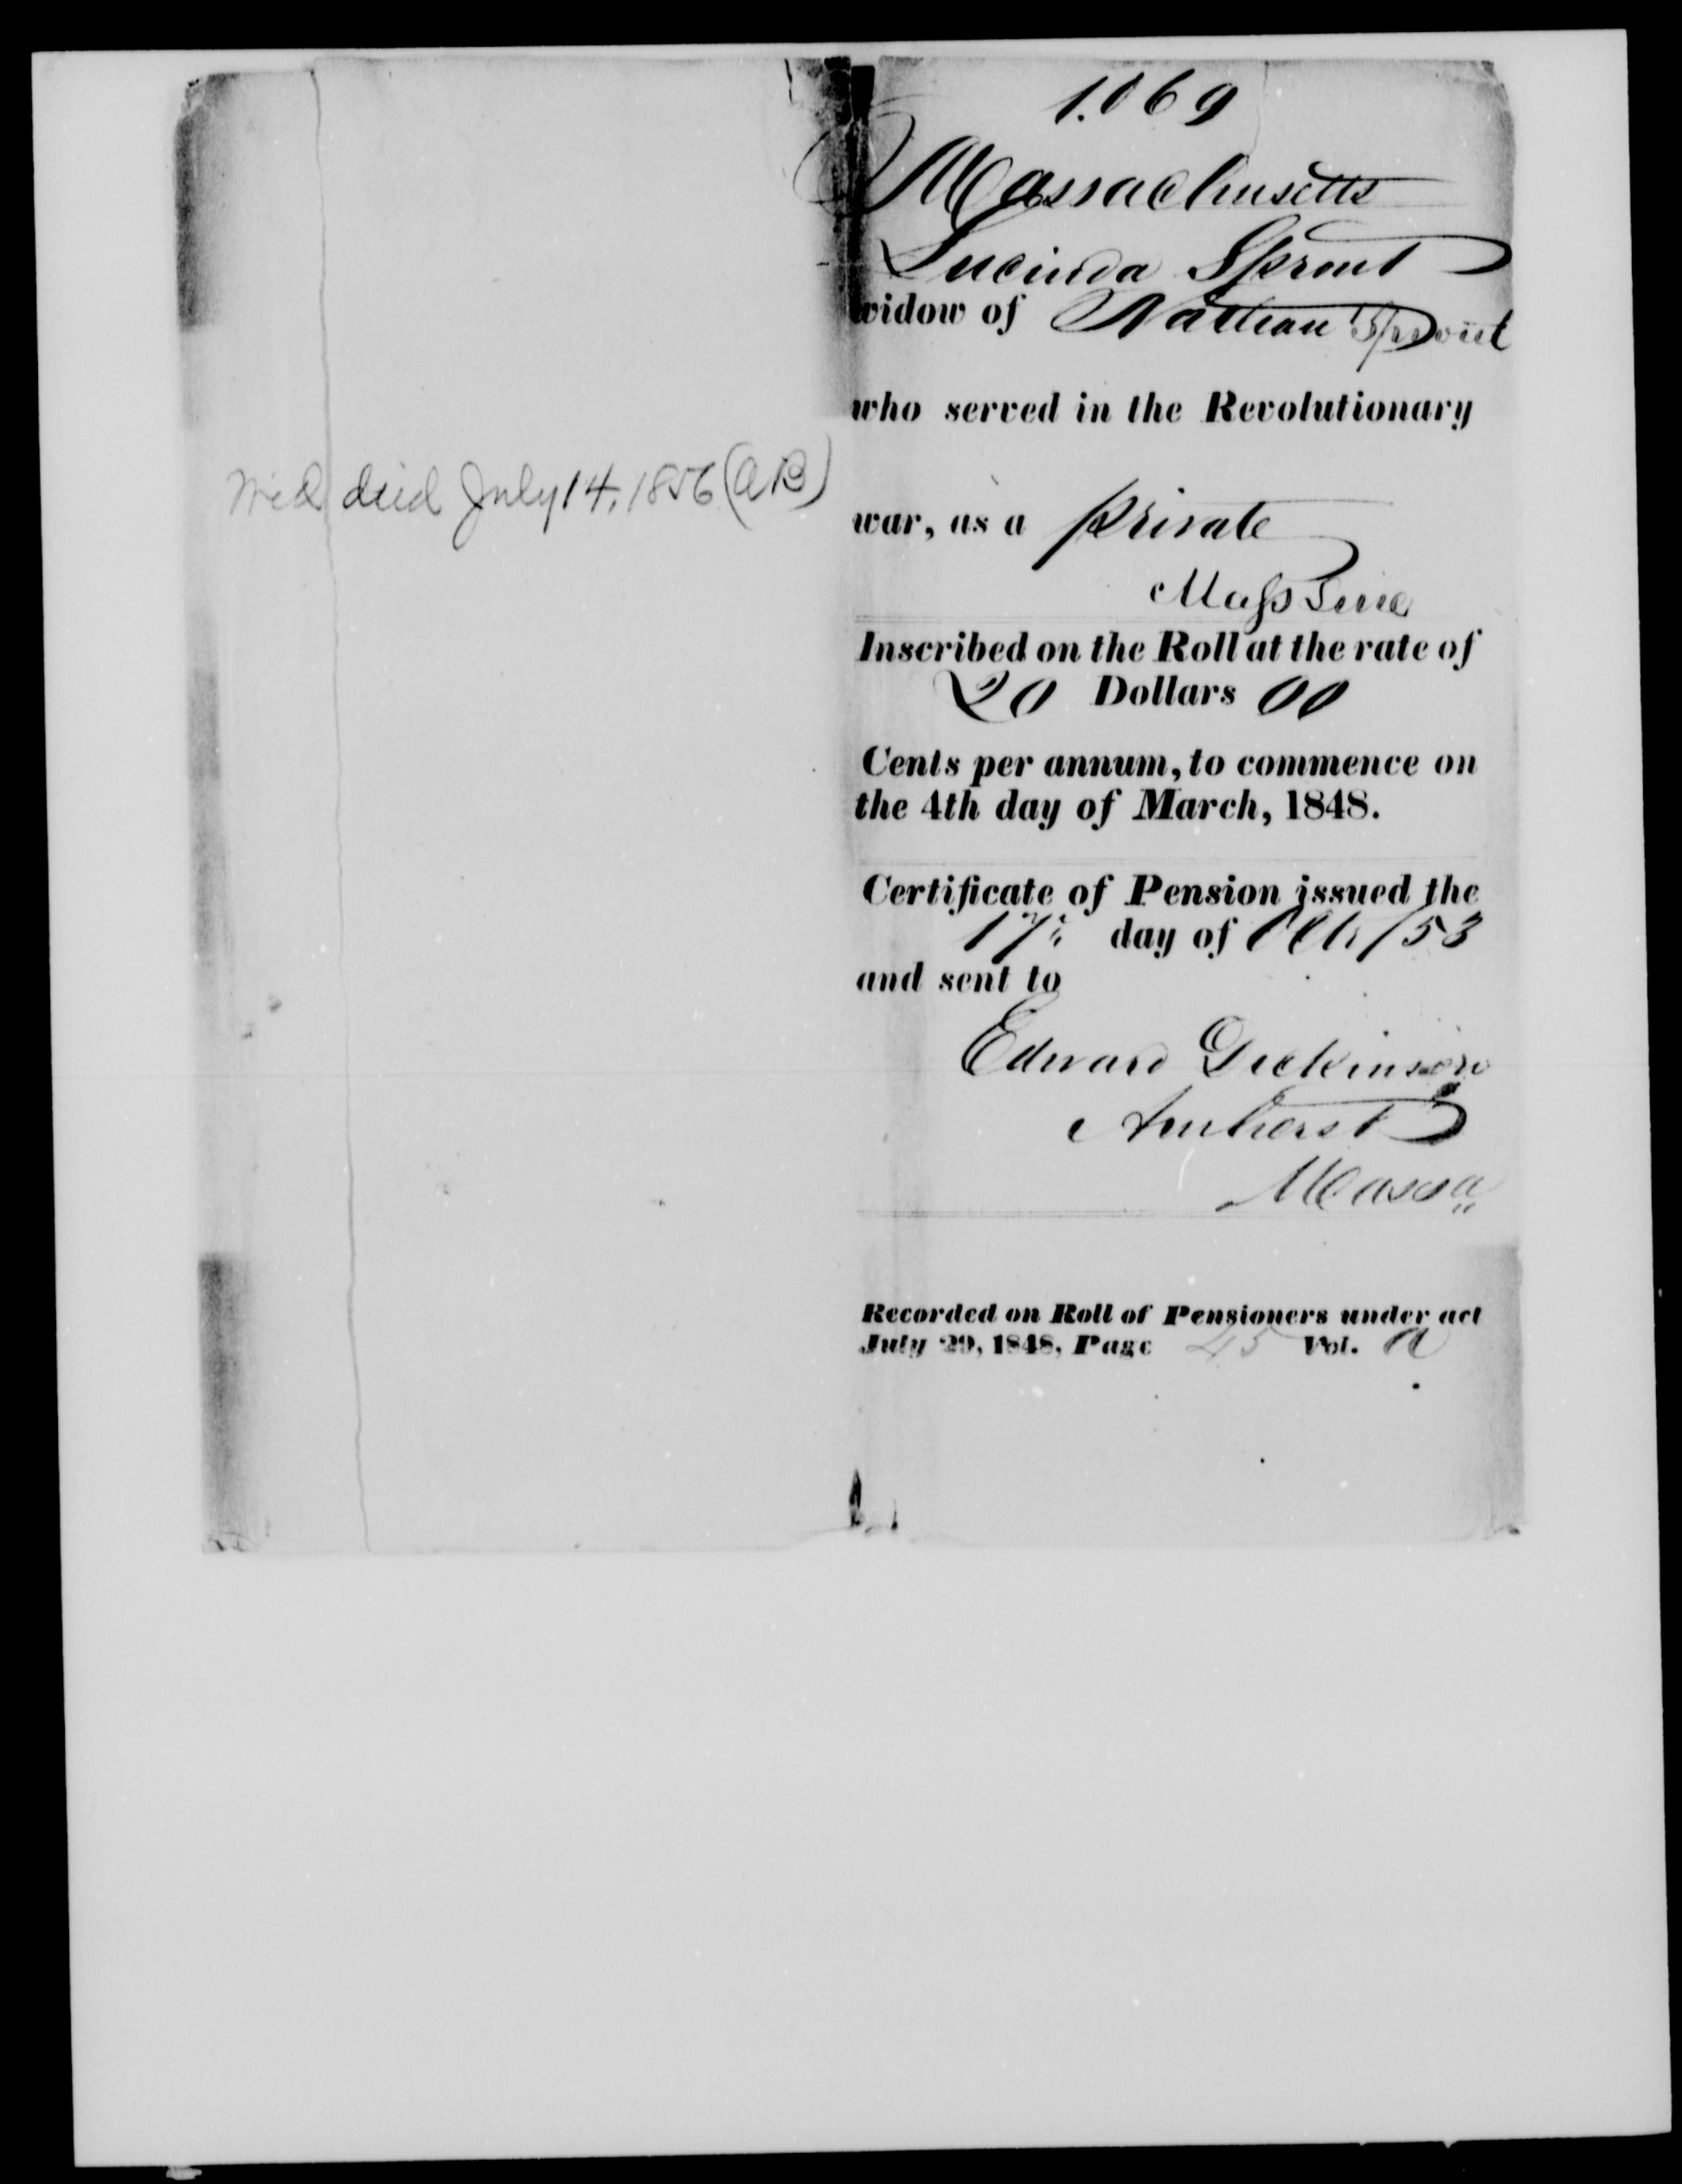1.069

Massachusetts
Lucinda Sprout
widow of Nathan Sprout
who served in the Revolutionary
war, as a private
Mass Line
Inscribed on the Roll at the rate of
20 Dollars 00
Cents per annum, to commence on
the 4th day of March, 1848.

Certificate of Pension issued the
17 day of Oct./53
and sent to
Edward Dickinson
[illegible]
Massa.

Recorded on Roll of Pensioners under act
July 29, 1848, Page 45  Fol. A


wid died July 14, 1856 (AB)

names: Nathan Sprout; Lucinda Sprout; Edward Dickinson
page: 3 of 32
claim: widow's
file: W. 2014, for Nathan Sprout, Massachusetts